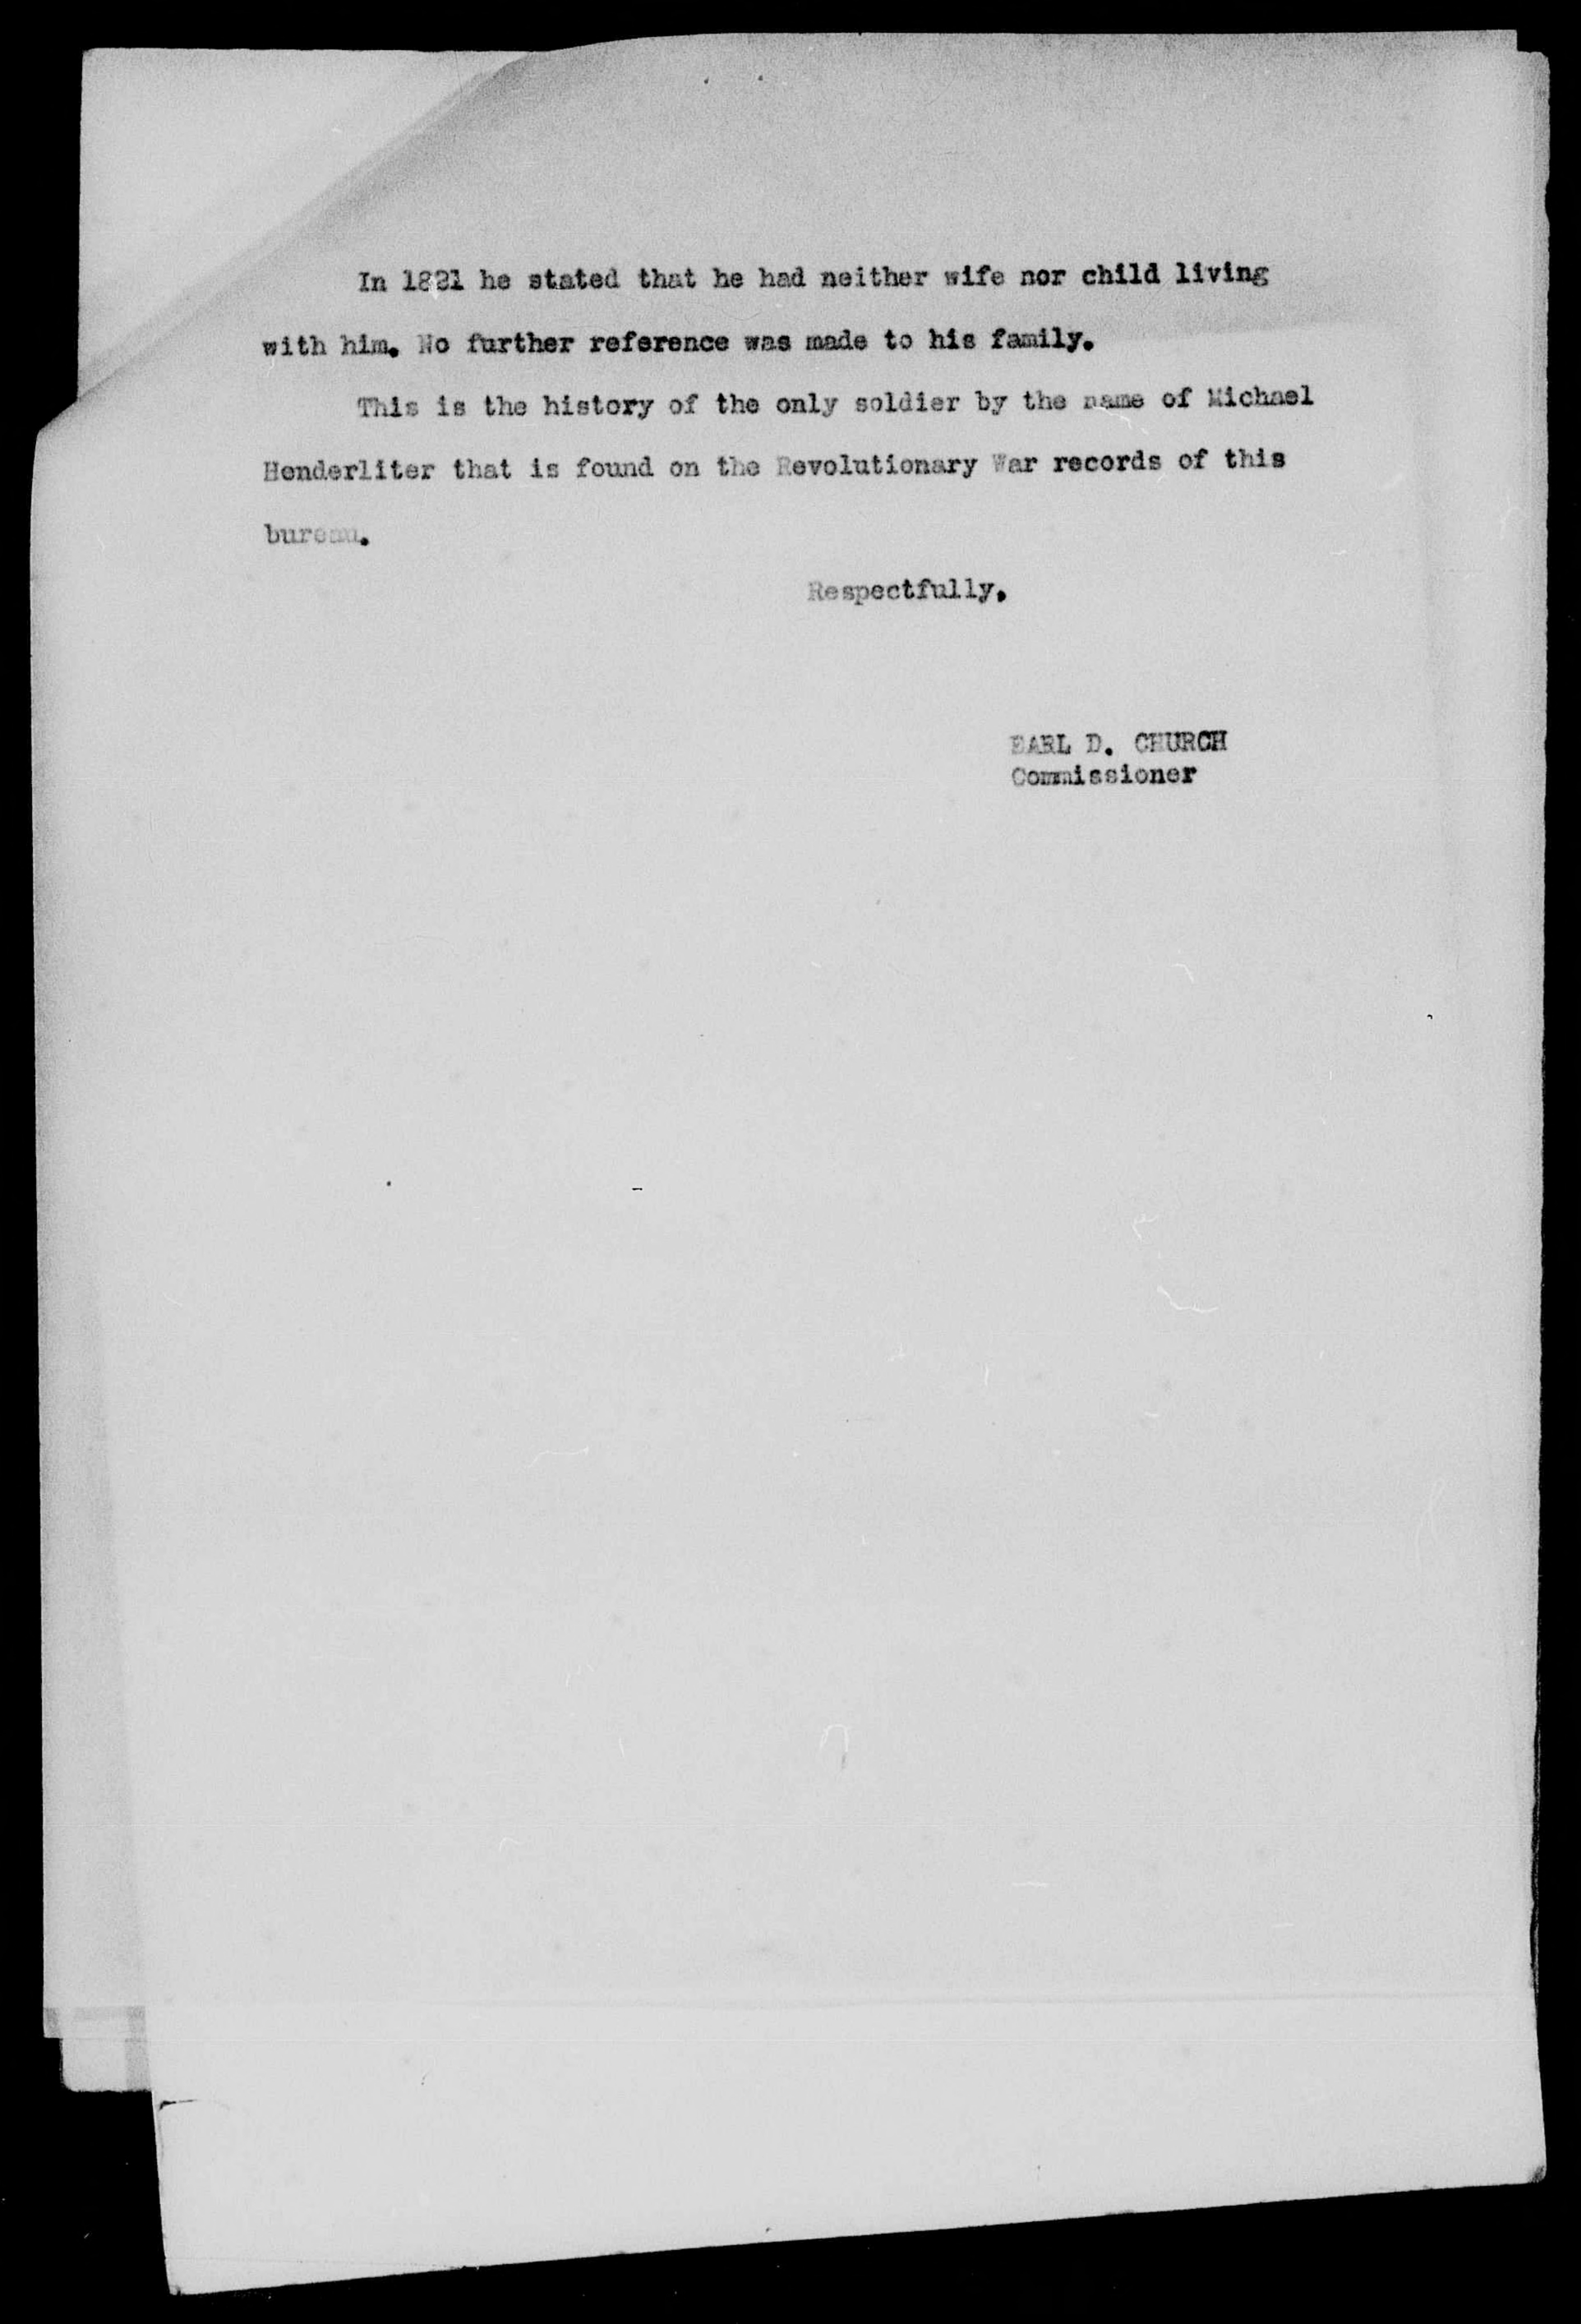In 1821 he stated that he had neither wife nor child living with him.  No further reference was made to his family.
This is the history of the only soldier by the name of Michael Henderliter that is found on the Revolutionary War records of the bureau.

Respectfully,
EARL D. CHURCH
Commissioner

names: Michael Henderliter, Earl D Church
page: 15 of 15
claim: survivor's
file: S. 38016, Michael Henderliter, Penn.